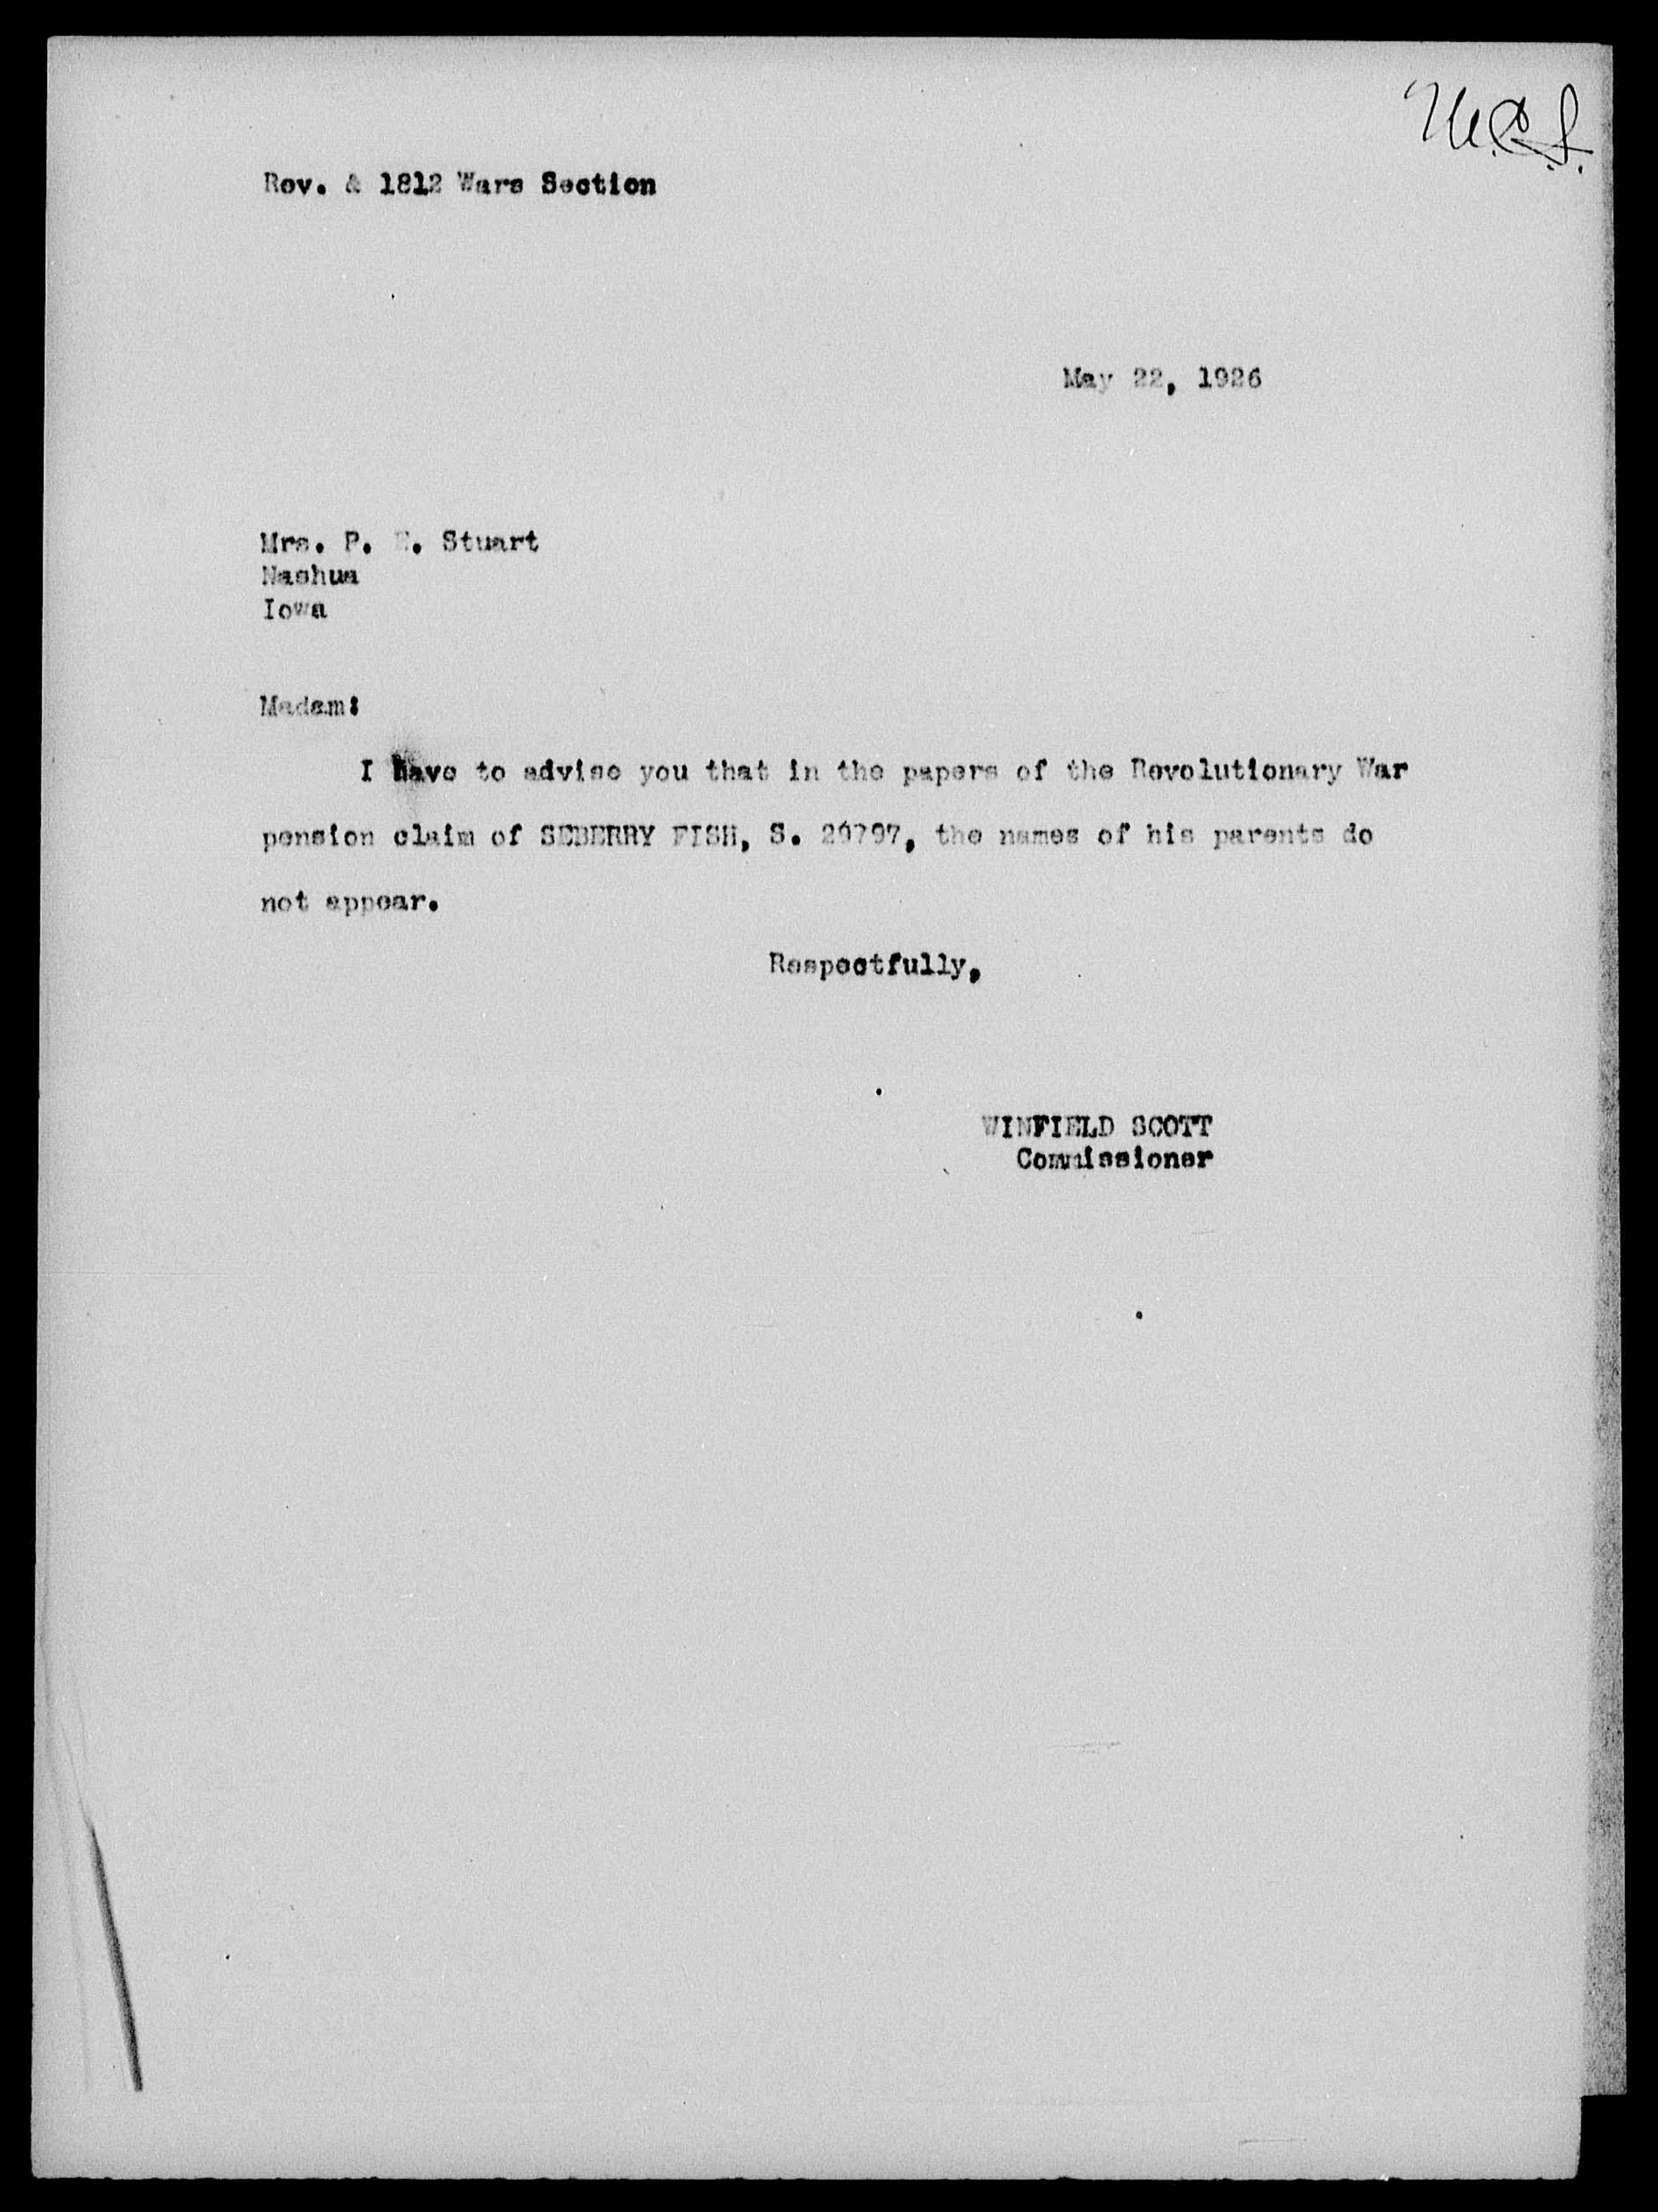[Typed letter]

[The following handwritten initials appear in the top right hand corner of the page:] W.C.S.  [or M.C.S.]

[Typed:] Rev. & 1812 Wars Section

May 22, 1926

Mrs. P. E. Stuart
Nashua
Iowa

Madam:
I have to advise you that in the papers of the Revolutionary War pension claim of SEBERRY FISH, S. 29797, the names of his parents do not appear.

Respectfully,
[No signature]

[Typed:] WINFIELD SCOTT
Commissioner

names: Winfield Scott, Seberry Fish, P E Stuart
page: 24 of 26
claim: survivor's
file: S. 29797, Seberry Fish, New York